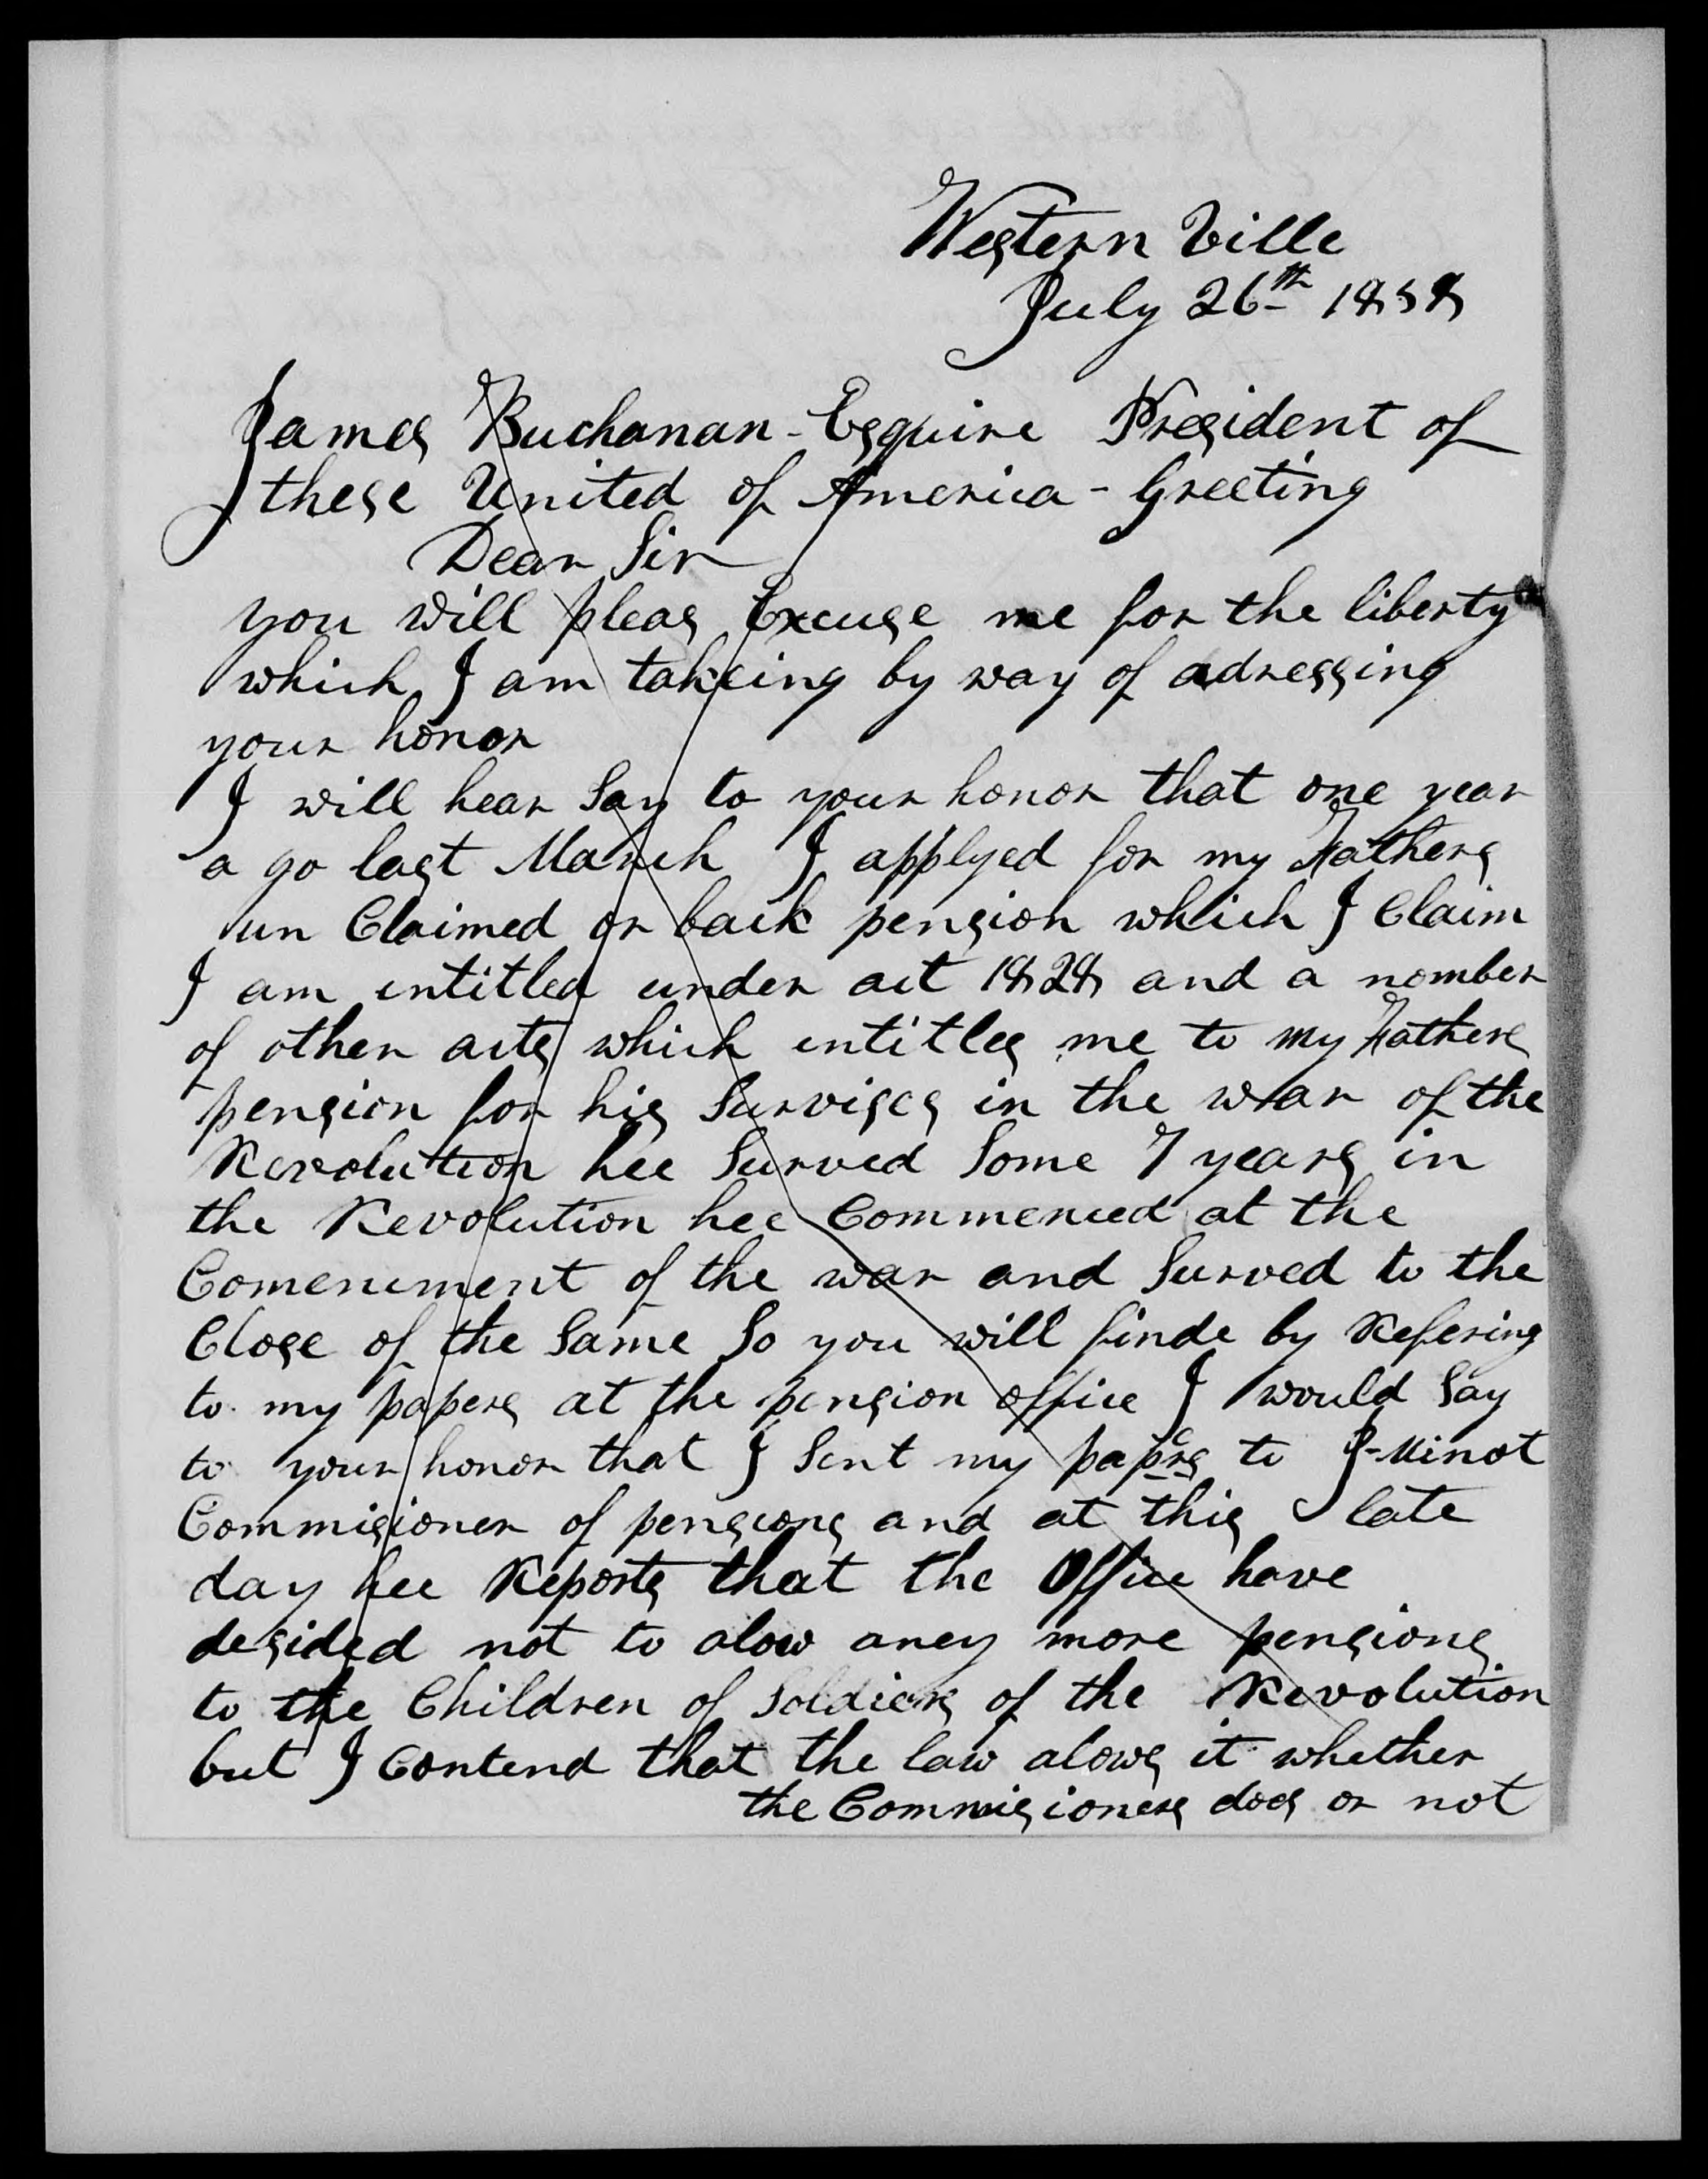Western Ville 
July 26th 1858 
James Buchanan Esquire President of United of America - Greeting 
Dear Sir 
you will pleas Excuse me for the liberty which I am takeing by way of adressing your honor 
I will hear say to your honor that one year ago last March I applyed for my Fathers un Claimed or back pension which I claim I am entitled under act 1828 and a nomber of other acts which entitles me to my Fathers pension for his survises in the war of the Revolution hee Surved some 7 years in the Revolution hee commenced at the Comencment of the war and surved to the close of the same So you will finde by refering to my papers at the pension office I would say to your honor that I sent my papers to P Minot Commissioner of pensions and at this late day hee reports that the Office have desided not to alow aney more pensions to the Children of Soldiers of the Revolution but I contend that the law allows it whether the Commisioner does or not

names: James Buchanan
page: 29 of 44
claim: rejected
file: R. 17,033, for Joseph Perkins, New York